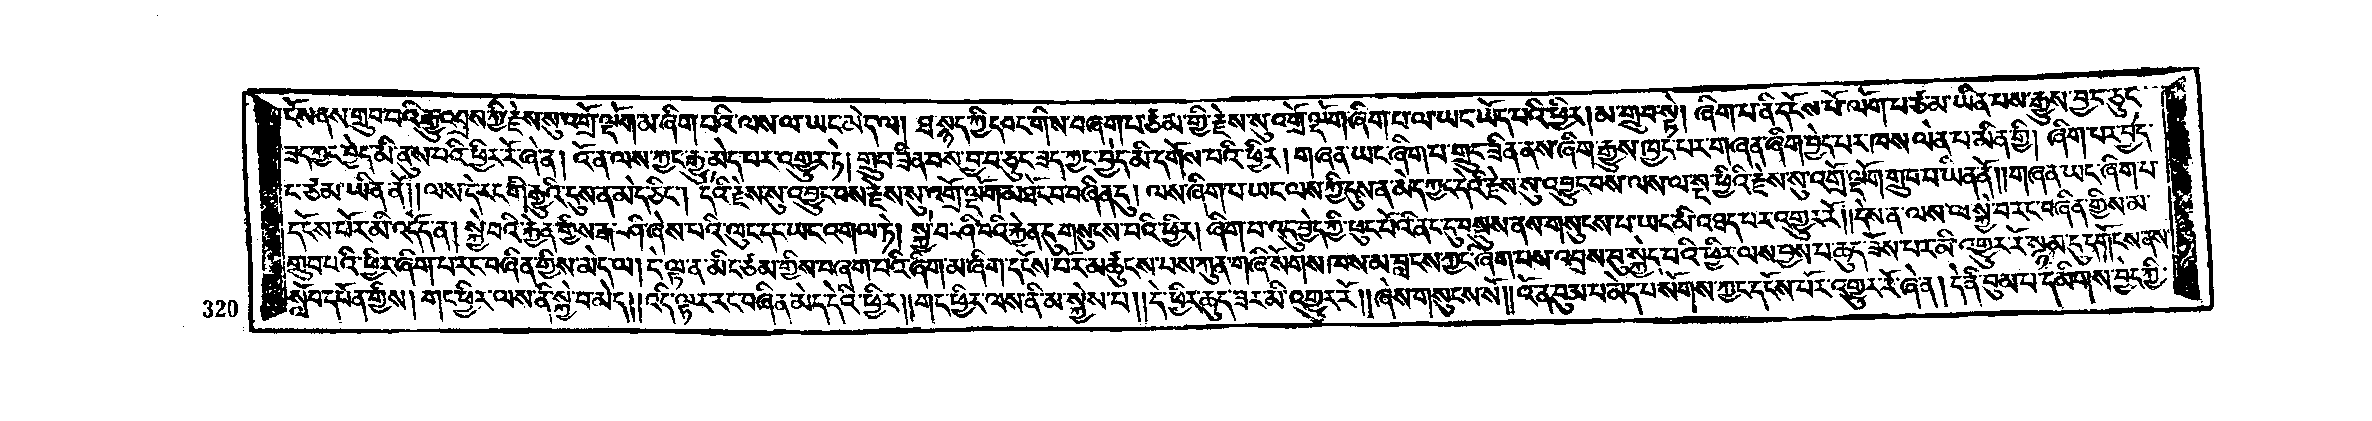ངོས་ནས་གྲུབ་པའི་རྒྱུ་འབྲས་ཀྱི་རྗེས་སུ་འགྲོ་ལྡོག་མ་ཞིག་པའི་ལས་ལ་ཡང་མེད་ལ། ཐ་སྙད་ཀྱི་དབང་གིས་བཞག་པ་ཙམ་གྱི་རྗེས་སུ་འགྲོ་ལྡོག་ཞིག་པ་ལ་ཡང་ཡོད་པའི་ཕྱིར། མ་གྲུབ་སྟེ། ཞིག་པ་ནི་དངོས་པོ་ལོག་པ་ཙམ་ཡིན་པས་རྒྱུས་བྱང་ཅུང་
ཟད་ཀྱང་བྱེད་མི་ནུས་པའི་ཕྱིར་རོ་ཞེ་ན། འོ་ན་ལས་ཀྱང་རྒྱུ་མེད་པར་འགྱུར་ཏེ། གྲུབ་ཟིན་པས་བྱ་བ་ཅུང་ཟད་ཀྱང་བྱེད་མི་དགོས་པའི་ཕྱིར། གཞན་ཡང་ཞིག་པ་གྲུབ་ཟིན་ནས་ཞིག་རྒྱུས་ཁྱད་པར་གཞན་ཞིག་བྱེད་པར་ཁས་ལེན་པ་མིན་གྱི་།ཞིག་པར་བྱེད་
པ་ཙམ་ཡིན་ནོ། །ལས་དེ་རང་གི་རྒྱུའི་དུས་ན་མེད་ཅིང་། དེའི་རྗེས་སུ་འབྱུང་བས་རྗེས་སུ་འགྲོ་ལྡོག་མཐོང་བ་བཞིན་དུ། ལས་ཞིག་པ་ཡང་ལས་ཀྱི་དུས་ན་མེད་ཀྱང་དེའི་རྗེས་སུ་འབྱུང་བས་ལས་ལ་སྔ་ཕྱིའི་རྗེས་སུ་འགྲོ་ལྡོག་གྲུབ་པ་ཡིན་ནོ། །གཞན་ཡང་ཞིག་པ་
དངོས་པོར་མི་འདོད་ན། སྐྱེ་བའི་རྐྱེན་གྱིས་རྒ་ཤི་ཞེས་པའི་ལུང་དང་ཡང་འགལ་ཏེ། སྐྱེ་བ་ཤི་བའི་རྐྱེན་དུ་གསུངས་པའི་ཕྱིར། ཞིག་པ་འདུ་བྱེད་ཀྱི་ཕུང་པོའི་ནང་དུ་བསྡུས་ནས་གསུངས་པ་ཡང་མི་འཐད་པར་འགྱུར་རོ། །དེས་ན་ལས་ལ་སྐྱེ་བ་རང་བཞིན་གྱིས་མ་
གྲུབ་པའི་ཕྱིར་ཞིག་པ་རང་བཞིན་གྱིས་མེད་ལ། དེ་ལྟ་ན་མིང་ཙམ་གྱིས་བཞག་པའི་ཞིག་མ་ཞིག་དངོས་པོར་མཚུངས་པས་ཀུན་གཞི་སོགས་ཁས་མ་བླངས་ཀྱང་ཞིག་པས་འབྲས་བུ་སྐྱེད་པའི་ཕྱིར་ལས་བྱས་པ་ཆུད་ཟོས་པར་མི་འགྱུར་རོ་སྙམ་དུ་དགོངས་ནས་
སློབ་དཔོན་གྱིས། གང་ཕྱིར་ལས་ནི་སྐྱེ་བ་མེད། །འདི་ལྟར་རང་བཞིན་མེད་དེའི་ཕྱིར། །གང་ཕྱིར་ལས་ནི་མ་སྐྱེས་པ། །དེ་ཕྱིར་ཆུད་ཟར་མི་འགྱུར་རོ། །ཞེས་གསུངས་སོ། །འོ་ན་བུམ་པ་མེད་པ་སོགས་ཀྱང་དངོས་པོར་འགྱུར་རོ་ཞེ་ན། དེ་ནི་བུམ་པ་དམིགས་བྱེད་ཀྱི་